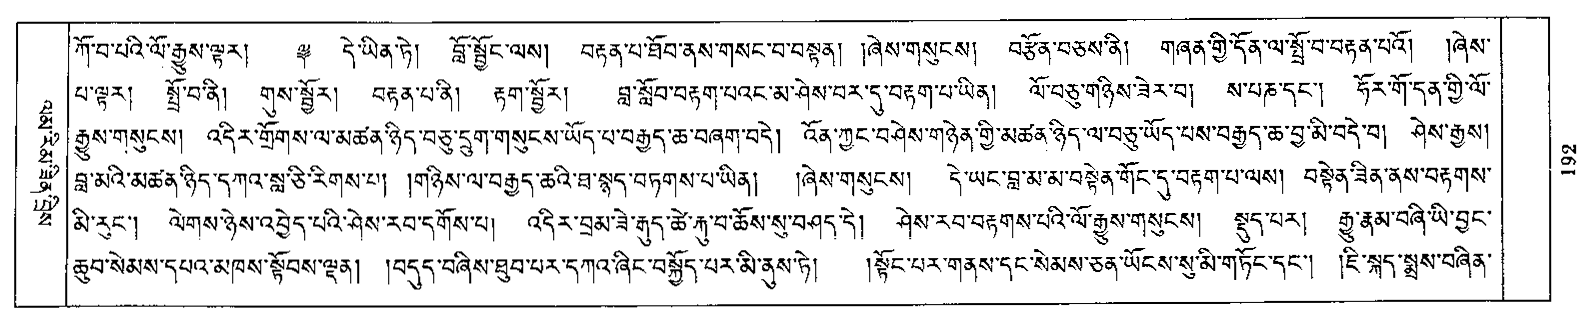ཀོ་བ་པའི་ལོ་རྒྱུས་ལྟར། ༈ དེ་ཡིན་ཏེ། བློ་སྦྱོང་ལས། བརྟན་པ་ཐོབ་ནས་གསང་བ་བསྟན། །ཞེས་གསུངས། བརྩོན་བཅས་ནི། གཞན་གྱི་དོན་ལ་སྤྲོ་བ་བརྟན་པའོ། །ཞེས་
པ་ལྟར། སྤྲོ་བ་ནི། གུས་སྦྱོར། བརྟན་པ་ནི། རྟག་སྦྱོར། བླ་སློབ་བརྟག་པའང་མ་ཤེས་བར་དུ་བརྟག་པ་ཡིན། ལོ་བཅུ་གཉིས་ཟེར་བ། ས་པཎ་དང་། ཧོར་གོ་དན་གྱི་ལོ་
རྒྱུས་གསུངས། འདིར་གྲོགས་ལ་མཚན་ཉིད་བཅུ་དྲུག་གསུངས་ཡོད་པ་བརྒྱད་ཆ་བཞག་བདེ། འོན་ཀྱང་བཤེས་གཉེན་གྱི་མཚན་ཉིད་ལ་བཅུ་ཡོད་པས་བརྒྱད་ཆ་བྱ་མི་བདེ་བ། ཤེས་རྒྱས།
བླ་མའི་མཚན་ཉིད་དཀའ་སླ་ཅི་རིགས་པ། །གཉིས་ལ་བརྒྱད་ཆའི་ཐ་སྙད་བཏགས་པ་ཡིན། །ཞེས་གསུངས། དེ་ཡང་བླ་མ་མ་བསྟེན་གོང་དུ་བརྟགས་པ་ལས། བསྟེན་ཟིན་ནས་བརྟགས་
མི་རུང་། ལེགས་ཉེས་འབྱེད་པའི་ཤེས་རབ་དགོས་པ། འདིར་བྲམ་ཟེ་རྒུད་ཚེ་རྐུ་བ་ཆོས་སུ་བཤད་དེ། ཤེས་རབ་བརྟགས་པའི་ལོ་རྒྱུས་གསུངས། སྡུད་པར། རྒྱུ་རྣམ་བཞི་ཡི་བྱང་
ཆུབ་སེམས་དཔའ་མཁས་སྟོབས་ལྡན། །བདུད་བཞིས་ཐུབ་པར་དཀའ་ཞིང་བསྐྱོད་པར་མི་ནུས་ཏེ། །སྟོང་པར་གནས་དང་སེམས་ཅན་ཡོངས་སུ་མི་གཏོང་དང་། །ཇི་སྐད་སྨྲས་བཞིན་